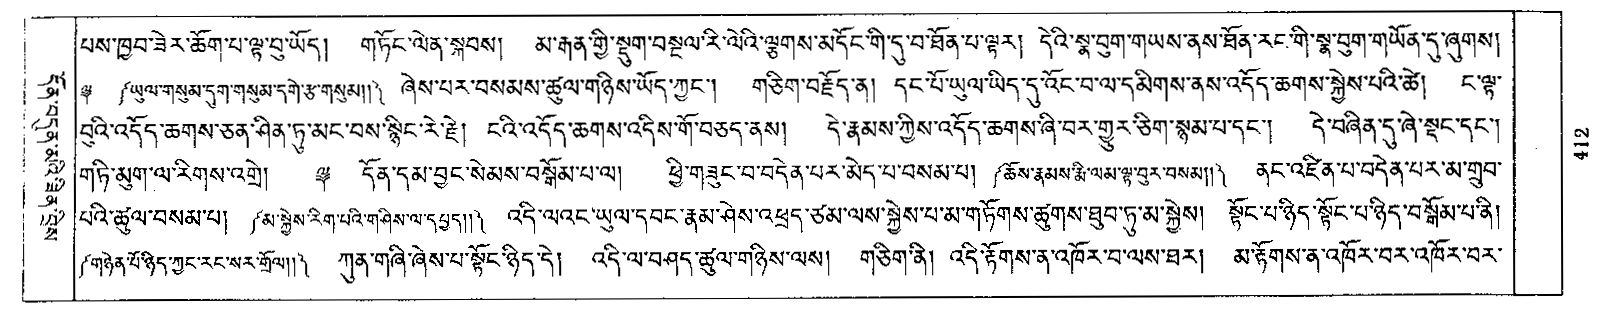པས་ཁྱབ་ཟེར་ཆོག་པ་ལྟ་བུ་ཡོད། གཏོང་ལེན་སྐབས། མ་རྒན་གྱི་སྡུག་བསྔལ་རི་ལེའི་ལྕགས་མདོང་གི་དུ་བ་ཐོན་པ་ལྟར། དེའི་སྣ་བུག་གཡས་ནས་ཐོན་རང་གི་སྣ་བུག་གཡོན་དུ་ཞུགས།
༈ ཡུལ་གསུམ་དུག་གསུམ་དགེ་རྩ་གསུམ།།?་ཞེས་པར་བསམས་ཚུལ་གཉིས་ཡོད་ཀྱང་། གཅིག་བརྗོད་ན། དང་པོ་ཡུལ་ཡིད་དུ་འོང་བ་ལ་དམིགས་ནས་འདོད་ཆགས་སྐྱེས་པའི་ཚེ། ང་ལྟ་
བུའི་འདོད་ཆགས་ཅན་ཤིན་ཏུ་མང་བས་སྙིང་རེ་རྗེ། ངའི་འདོད་ཆགས་འདིས་གོ་བཅད་ནས། དེ་རྣམས་ཀྱིས་འདོད་ཆགས་ཞི་བར་གྱུར་ཅིག་སྙམ་པ་དང་། དེ་བཞིན་དུ་ཞེ་སྡང་དང་།
གཏི་མུག་ལ་རིགས་འགྲེ། ༈ དོན་དམ་བྱང་སེམས་བསྒོམ་པ་ལ། ཕྱི་གཟུང་བ་བདེན་པར་མེད་པ་བསམ་པ། ཆོས་རྣམས་རྨི་ལམ་ལྟ་བུར་བསམ།།?་ནང་འཛིན་པ་བདེན་པར་མ་གྲུབ་
པའི་ཚུལ་བསམ་པ། མ་སྐྱེས་རིག་པའི་གཤིས་ལ་དཔྱད།།?་འདི་ལའང་ཡུལ་དབང་རྣམ་ཤེས་འཕྲད་ཙམ་ལས་སྐྱེས་པ་མ་གཏོགས་ཚུགས་ཐུབ་ཏུ་མ་སྐྱེས། སྟོང་པ་ཉིད་སྟོང་པ་ཉིད་བསྒོམ་པ་ནི།
གཉེན་པོ་ཉིད་ཀྱང་རང་སར་གྲོལ།།?་ཀུན་གཞི་ཞེས་པ་སྟོང་ཉིད་དེ། འདི་ལ་བཤད་ཚུལ་གཉིས་ལས། གཅིག་ནི། འདི་རྟོགས་ན་འཁོར་བ་ལས་ཐར། མ་རྟོགས་ན་འཁོར་བར་འཁོར་བར་